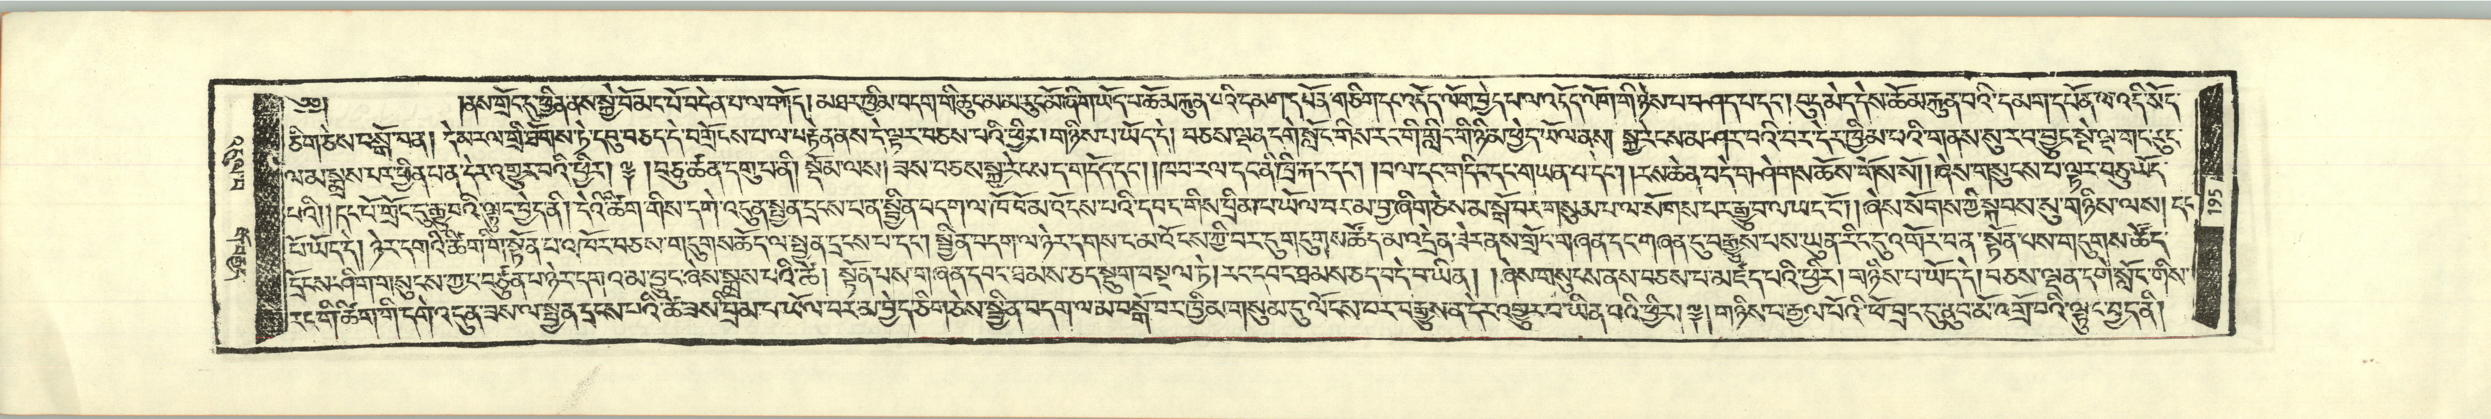༄༅། །ནས་གྲོང་དུ་ཕྱིན་ནས་སྐྱེ་བོ་མང་པོ་བདེན་པ་ལ་བཀོད། མཐར་ཁྱིམ་བདག་གི་ཆུང་མ་མ་རུང་མོ་ཞིག་ཡོད་པ་ཆོམ་རྐུན་པའི་དམག་དཔོན་གཅིག་དང་འདོད་ལོག་བྱེད་པ་ལ་འདོད་ལོག་གི་ཉེས་པ་བཤད་པ་དང་། བུད་མེད་དེས་ཆོམ་རྐུན་པའི་དམག་དཔོན་ལ་འདི་སོད་
ཅིག་ཅེས་བསྒོ་བ་ན། དེ་མ་རལ་གྲི་ཐོགས་ཏེ་དབུ་བཅད་དེ་བགྲོངས་པ་ལ་བརྟེན་ནས་དེ་ལྟར་བཅས་པའི་ཕྱིར། གཉིས་པ་ཡོད་དེ། བཅས་ལྡན་དགེ་སློང་གིས་རང་གི་གླིང་གི་ཉི་མ་ཕྱེད་ཡོལ་ནས། སྐྱ་རེངས་མ་ཤར་བའི་བར་དེར་ཁྱིམ་པའི་གནས་སུ་རབ་བྱུང་སྡེ་ལྔ་གང་རུང་
ལམ་སྨྲས་པར་ཕྱིན་པ་ན་དེར་འགྱུར་བའི་ཕྱིར། ༈ །བཅུ་ཚན་དགུ་པ་ནི། སྡོམ་ལས། ཟས་བཅས་སྐྱ་རེངས་ད་གདོད་དང་། །ཁབ་རལ་དང་ནི་ཁྲི་རྐང་དང་། །བལ་དང་གདིང་དང་གཡན་པ་དང་། །རས་ཆེན་བདེ་གཤེགས་ཆོས་གོས་སོ། །ཞེས་གསུངས་པ་ལྟར་བཅུ་ཡོད་
པའི། །དང་པོ་གྲོང་དུ་རྒྱུ་བའི་ལྟུང་བྱེད་ནི། དེའི་ཚིག་གིས་དགེ་འདུན་སྤྱན་དྲངས་པ་ན་སྦྱིན་བདག་ལ་ཁོ་བོ་མ་འོངས་པའི་དབང་གིས་བྲིམ་པ་ཡོལ་བར་མ་བྱ་ཞིག་ཅེས་མ་སྒོ་བར་གསུམ་པ་ལ་སོགས་པར་རྒྱུ་བ་ལ་ཡང་ངོ། །ཞེས་སོགས་ཀྱི་སྐབས་སུ་གཉིས་ལས། དང་
པོ་ཡོད་དེ། ཉེར་དགའི་ཚིག་གི་སྟོན་པ་འཁོར་བཅས་གདུགས་ཆོད་ལ་སྦྱན་དྲངས་པ་དང་། སྦྱིན་བདག་ལ་ཉེར་དགས་ང་མ་འོངས་ཀྱི་བར་དུ་གདུགས་ཚོད་མ་འདྲེན་ཟེར་ནས་གྲོང་གཞན་དང་གཞན་དུ་བརྒྱུས་པས་ཡུན་རིང་དུ་འཁོར་བ་ན་སྟོན་པས་གདུགས་ཚོད་
དྲོངས་ཤིག་གསུངས་ཀྱང་བཙུན་པ་ཉེར་དགའ་མ་བྱུང་ཞེས་སྨྲས་པའི་ཚེ། སྟོན་པས་གཞན་དབང་ཐམས་ཅད་སྡུག་བསྔལ་ཏེ། རང་དབང་ཐམས་ཅད་བདེ་བ་ཡིན། །ཞེས་གསུངས་ནས་བཅས་པ་མཛད་པའི་ཕྱིར། གཉིས་པ་ཡོད་དེ། བཅས་ལྡན་དགེ་སློང་གིས་
རང་གི་ཚིག་གི་དགེ་འདུན་ཟས་ལ་སྤྱན་དྲངས་པའི་ཚེ་ཟས་བྲིམ་པ་ཡོལ་བར་མ་བྱེད་ཅིག་ཅེས་སྦྱིན་བདག་ལ་མ་བསྒོ་བར་ཁྱིམ་གསུམ་དུ་ལོངས་བར་བརྒྱུས་ན་དེར་འགྱུར་བ་ཡིན་པའི་ཕྱིར། ༈ །གཉིས་པ་རྒྱལ་པོའི་ཕོ་བྲང་དུ་ནུབ་མོ་འགྲོ་བའི་ལྟུང་བྱད་ནི།